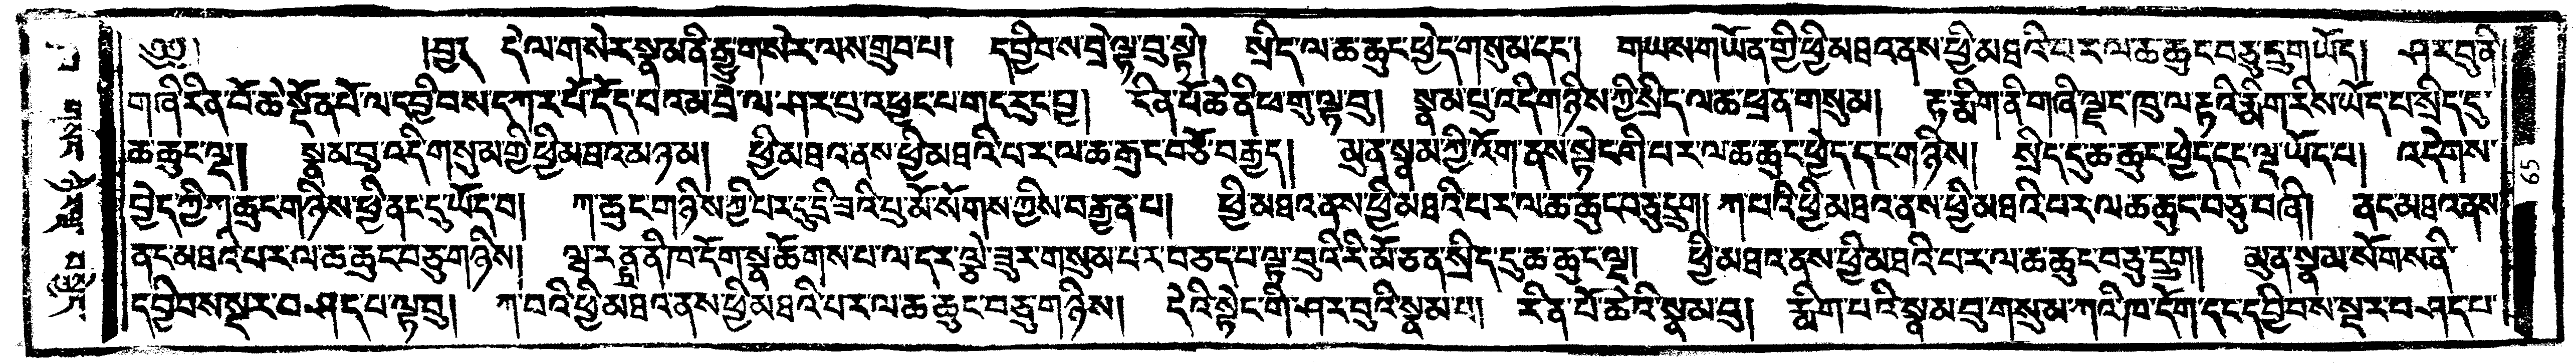༄༅། །བྱ༑ དེ་ལ་གསེར་སྣམ་ནི་རྒྱུ་གསེར་ལས་གྲུབ་པ། དབྱིབས་བྲེ་ལྟ་བུ་སྟེ། སྲིད་ལ་ཆ་ཆུང་ཕྱེད་གསུམ་དང་། གཡས་གཡོན་གྱི་ཕྱི་མཐའ་ནས་ཕྱི་མཐའི་བར་ལ་ཆ་ཆུང་བཅུ་དྲུག་ཡོད། ཤར་བུ་ནི་
གཞི་རིན་པོ་ཆེ་སྔོན་པོ་ལ་དབྱིབས་དཀར་པོ་དོད་པའམ་བྲེ་ལ་ཤར་པུ་འཕྱང་པ་གང་རུང་བྱ། རིན་པོ་ཆེ་ནི་ཕ་གུ་ལྟ་བུ། སྣམ་པུ་འདི་གཉིས་ཀྱི་སྲིད་ལ་ཆ་ཕྲན་གསུམ། རྟ་རྨིག་ནི་གཞི་ལྗང་ཁུ་ལ་རྟའི་རྨིག་རིས་ཡོད་པ་སྲིད་དུ་
ཆ་ཆུང་ལྔ། སྣམ་བུ་འདི་གསུམ་གྱི་ཕྱི་མཐའ་མཉམ། ཕྱི་མཐའ་ནས་ཕྱི་མཐའི་བར་ལ་ཆ་རྒུང་བཅོ་བརྒྱད། མུན་སྣམ་ཀྱི་འོག་ནས་སྟེང་གི་པར་ལ་ཆ་ཆུང་ཕྱེད་དང་གཉིས། སྲིད་དུ་ཆ་ཆུང་ཕྱེད་དང་ལྔ་ཡོད་པ། འདེགས་
བྱེད་ཀྱི་ཀ་ཆུང་གཉིས་ཕྱི་ནང་དུ་ཡོད་པ། ཀ་ཆུང་གཉིས་ཀྱི་པར་དུ་དྲི་ཟའི་པུ་མོ་སོགས་ཀྱིས་བརྒྱན་པ། ཕྱི་མཐའ་ནས་ཕྱི་མཐའི་པར་ལ་ཆ་ཆུང་བཅུ་དྲུག། ཀ་པའི་ཕྱི་མཐའ་ནས་ཕྱི་མཐའི་བར་ལ་ཆ་ཆུང་བཅུ་བཞི། ནང་མཐའ་ནས་
ནང་མཐའི་པར་ལ་ཆ་ཆུང་བཅུ་གཉིས། ཝ་རནྟྲ་ནི་ཁ་དོག་སྣ་ཚོགས་པ་ལ་དར་ལྕེ་ཟུར་གསུམ་པར་བཅད་པ་ལྟ་བུའི་རི་མོ་ཅན་སྲིད་དུ་ཆ་ཆུང་ལྔ། ཕྱི་མཐའ་ནས་ཕྱི་མཐའི་པར་ལ་ཆ་ཆུང་བཅུ་དྲུག། མུན་སྣམ་སོགས་ནི་
དབྱིབས་སྔར་བཤད་པ་ལྟ་བུ། ཀ་བའི་ཕྱི་མཐའ་ནས་ཕྱི་མཐའི་པར་ལ་ཆ་ཆུང་བཅུ་གཉིས། དེའི་སྟེང་གི་ཤ་ར་བུའི་སྣམ་པ། རིན་པོ་ཆེའི་སྣམ་བུ། རྨིག་པའི་སྣམ་བུ་གསུམ་ཀའི་ཁ་དོག་དང་དབྱིབས་སྔར་བཤད་པ་